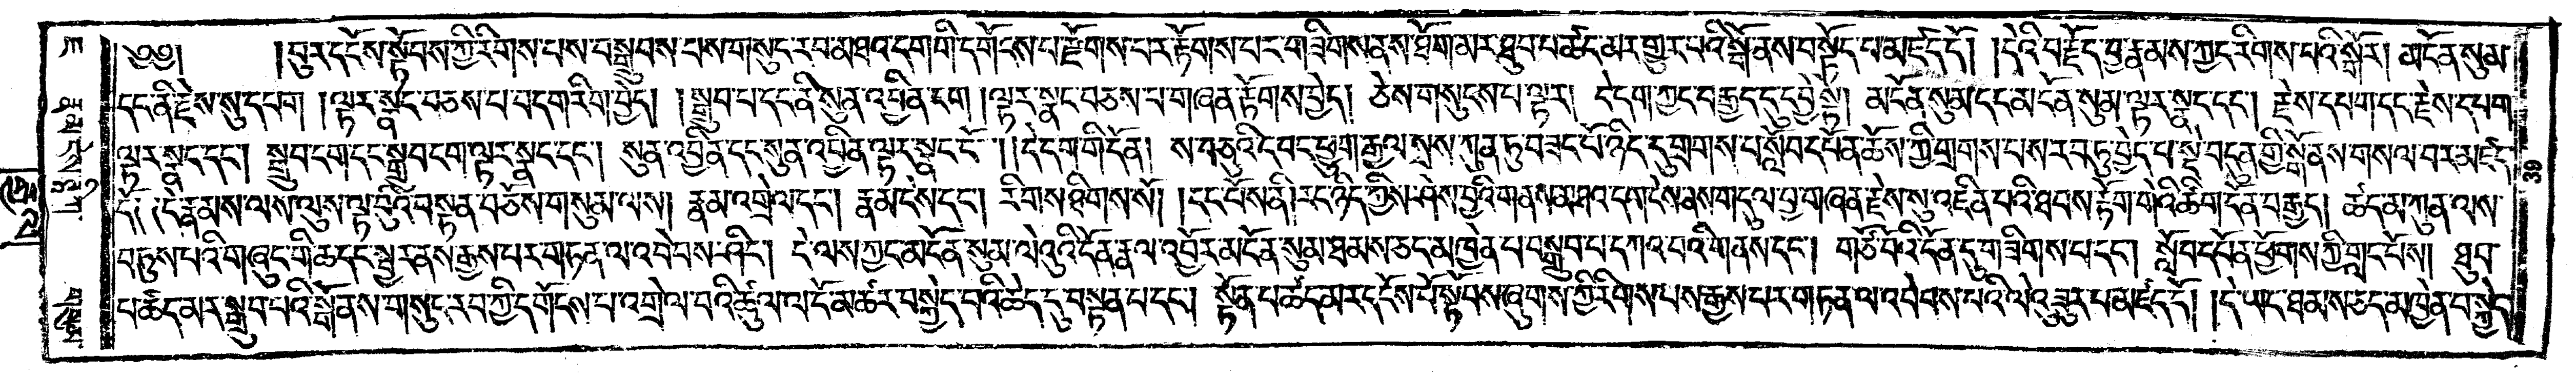༄༅། །བུར་དངོས་སྟོབས་ཀྱི་རིགས་པས་བསྒྲུབ་པས་གསུང་རབ་མཐའ་དག་གི་དགོངས་པ་རྫོགས་པར་རྟོགས་པར་གཟིགས་ནས་ཐོག་མར་ཐུབ་པ་ཚད་མར་གྱུར་པའི་སྒོ་ནས་བསྟོད་པ་མཛད་དོ། །དེའི་བརྗོད་བྱ་རྣམས་ཀྱང་རིགས་པའི་སྐོར། མངོན་སུམ་
དང་ནི་རྗེས་སུ་དཔག །ལྟར་སྣང་བཅས་པ་བདག་རིག་བྱེད། །སྒྲུབ་པ་དང་ནི་སུན་འབྱིན་ངག། ལྟར་སྣང་བཅས་པ་གཞན་རྟོགས་བྱེད། ཅེས་གསུངས་པ་ལྟར། དེ་དག་ཀྱང་བརྒྱད་དུ་དབྱེ་སྟེ། མངོན་སུམ་དང་མངོན་སུམ་ལྟར་སྣང་དང་། རྗེས་དཔག་དང་རྗེས་དཔག་
ལྟར་སྣང་དང་། སྒྲུབ་ངག་དང་སྒྲུབ་ངག་ལྟར་སྣང་དང་། སུན་འབྱིན་དང་སུན་འབྱིན་ལྟར་སྣང་ངོ། །དེ་དག་གི་དོན། ས་བཅུའི་དབང་ཕྱུག་རྒྱལ་སྲས་ཀུན་ཏུ་བཟང་པོ་ཉིད་དུ་གྲགས་པ་སློབ་དཔོན་ཆོས་ཀྱི་གྲགས་པས་རབ་ཏུ་བྱེད་པ་སྡེ་བདུན་གྱི་སྒོ་ནས་གསལ་བར་མཛད་
དོ། །དེ་རྣམས་ལས་ལུས་ལྟ་བུའི་བསྟན་བཅོས་གསུམ་ལས། རྣམ་འགྲེལ་དང་། རྣམ་ངེས་དང་། རིགས་ཐིགས་སོ། །དང་པོས་ནི། རང་ཉིད་ཀྱིས་ཤེས་བྱའི་གནས་མཐའ་དག་ངེས་ནས་གདུལ་བྱ་གཞན་རྗེས་སུ་འཛིན་པའི་ཐབས་རྟོག་གེའི་ཚིག་དོན་བརྒྱད། ཚད་མ་ཀུན་ལས་
བཏུས་པའི་གཞུང་གི་ཆ་དང་སྦྱར་ནས་རྒྱས་པར་གཏན་ལ་འབེབས་ཤིང་། དེ་ལས་ཀྱང་མངོན་སུམ་ལེའུ་དོན་རྣལ་འབྱོར་མངོན་སུམ་ཐམས་ཅད་མཁྱེན་པ་བསྒྲུབ་པ་དཀའ་བའི་གནས་དང་། གཙོ་བོའི་དོན་དུ་གཟིགས་པ་དང་། སློབ་དཔོན་ཕྱོགས་ཀྱི་གླང་པོས། ཐུབ་
པ་ཚད་མར་སྒྲུབ་པའི་སྒོ་ནས་གསུང་རབ་ཀྱི་དགོངས་པ་འགྲེལ་པའི་ཚུལ་ལ་ངོ་མཚར་བསྐྱེད་པའི་ཆེད་དུ་བསྟན་པ་དང་། སྟོན་པ་ཚད་མར་དངོས་པོ་སྟོབས་ཞུགས་ཀྱི་རིགས་པས་རྒྱས་པར་གཏན་ལ་འབེབས་པའི་ལེའུ་ཟུར་པ་མཛད་དོ། །དེ་ཡང་ཐམས་ཅད་མཁྱེན་པ་སྐྱེད་